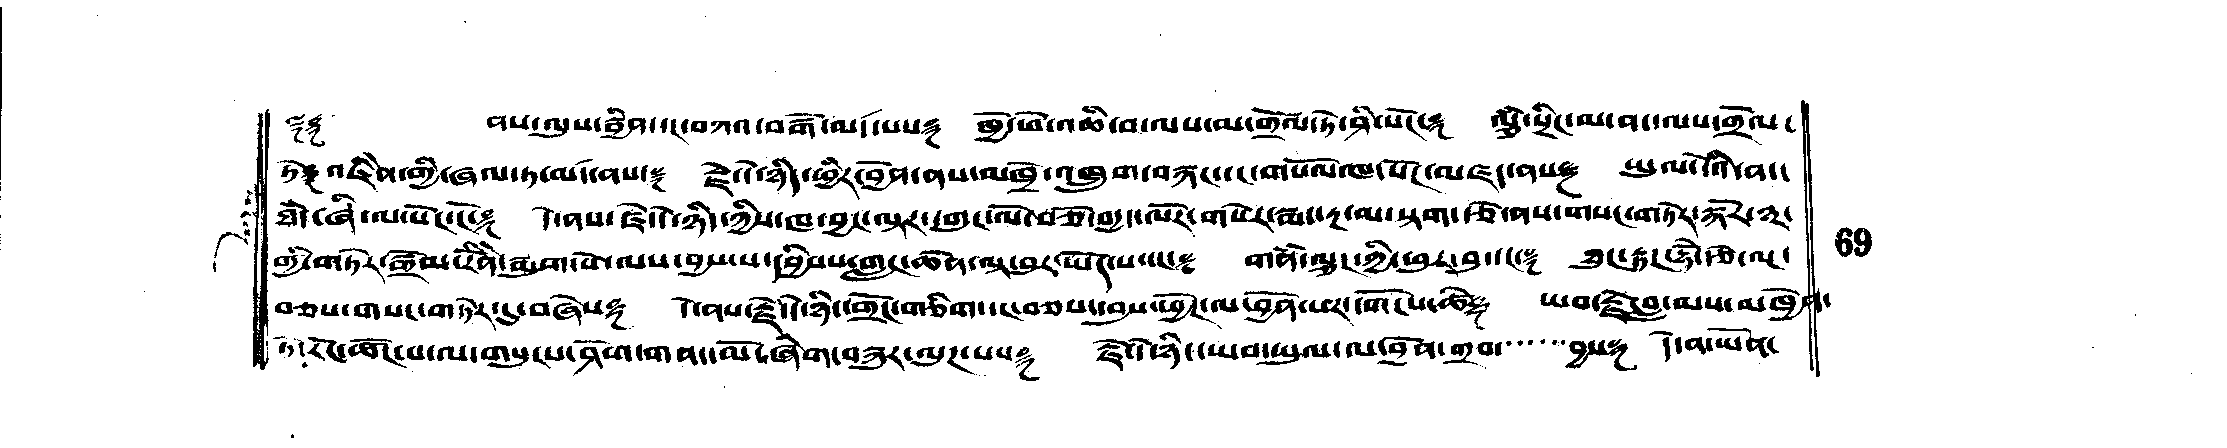ནས་ལུས་སྦྱིན་དང་བཀའ་བསྒོ་མཛད་པས། ཁྱོ་ཕོ་འཆི་བ་ལས་མ་གྲོལ་ཏེ་ཤི་སོང་། ལྕམ་སྲིང་མ་ནད་ལས་གྲོལ་
ཏེ། འཇིག་རྟེན་གྱི་ཞལ་ཏ་མཛད་ནས། རྗེ་དེ་ཉིད་ཕྱིར་བྱོན་ནས་མཁའ་འགྲོ་འཁྲུག་བསྐང་དང་གསོལ་ཁ་སོགས་མཛད་ནས། ཡུལ་དེའི་ནད་
ཐམས་ཅད་ཞི་ལ་སོང་ངོ་། དེ་ནས་རྗེ་དེ་ཉིད་ཀྱིས་ཁ་བྱང་ལྟར་དགུང་ལོ་བཅོ་བརྒྱད་ལོར་གསེར་སྨད་རྔ་མ་སྟག་རྩེ་ནས་གསང་གཏེར་སྐོར་གསུམ་
གྱི་གཏེར་སྒྲོམ་རིན་པོ་ཆེ་སྨུག་པོ་ལས་བྱས་པ་དབྱིབས་གླང་ཆེན་ལྟ་བུར་ཡོད་པ་དང་། གནམ་ལྕགས་ཀྱི་ཕུར་བུ་དང་།ཐུགས་རྟགས་རྡོ་རྗེ་རྩེ་ལྔ་
བཅས་གསང་གཏེར་དུ་བཞེས། དེ་ནས་རྗེ་དེ་ཉིད་གྲོགས་གཅིག་དང་བཅས་དབུས་ཕྱོགས་ལ་བྱོན་པར་དགོངས་ཚེ། ཡབ་རྗེ་བླ་མས་མཁྱེན་
ཏེ་རོང་ཚོང་པ་ལ་གསུངས་ཤོག་གནད་མོ་ཞིག་བསྐུར་ལུགས་པས། རྗེ་དེ་ཉིད་ཡབ་ཡུལ་ལ་བྱོན་གྲབས་བྱས། དེ་ན་ཡོན་